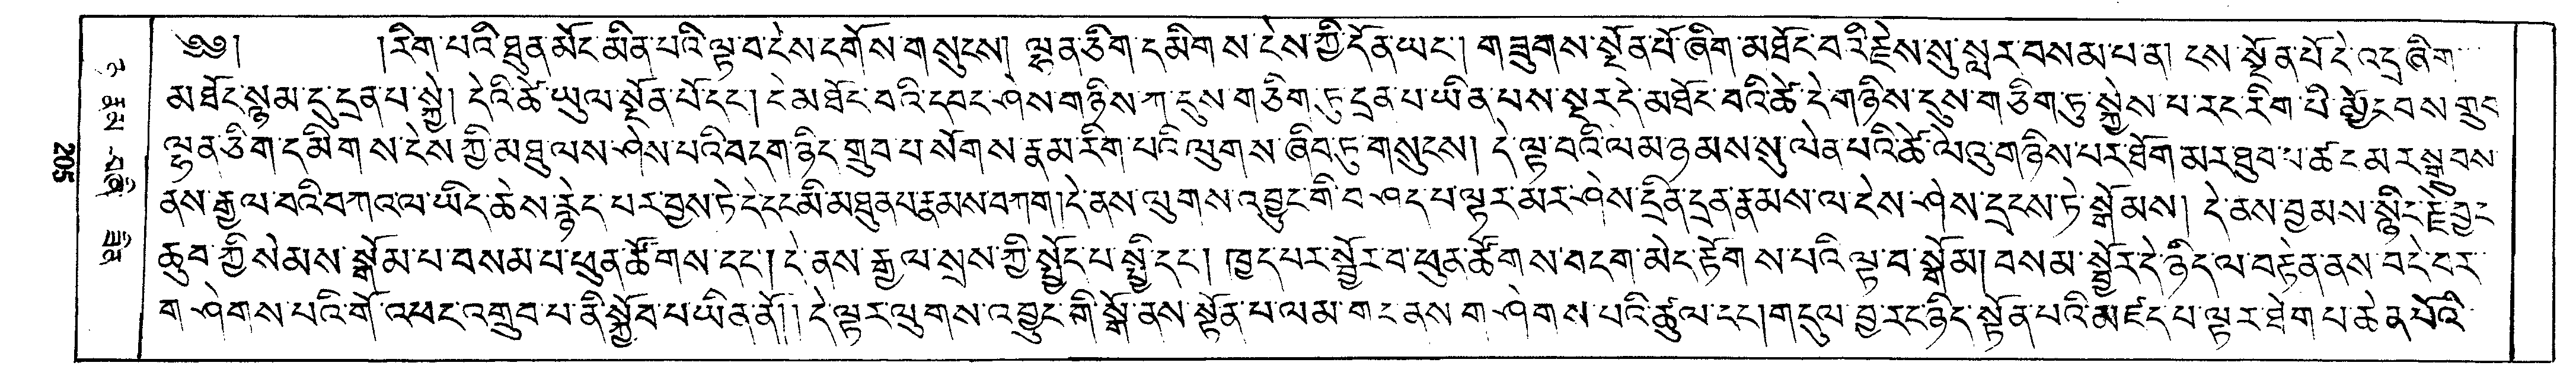༄༅། །རིག་པའི་ཐུན་མོང་མིན་པའི་ལྟ་བ་ངེས་དགོས་གསུངས། ལྷན་ཅིག་དམིགས་ངེས་ཀྱི་དོན་ཡང་། གཟུགས་སྔོན་པོ་ཞིག་མཐོང་བའི་རྗེས་སུ་སླར་བསམ་པ་ན། ངས་སྔོན་པོ་དེ་འདྲ་ཞིག་
མཐོང་སྙམ་དུ་དྲན་པ་སྐྱེ། དེའི་ཚེ་ཡུལ་སྔོན་པོ་དང་། དེ་མཐོང་བའི་དབང་ཤེས་གཉིས་ཀ་དུས་གཅིག་ཏུ་དྲན་པ་ཡིན་པས་སྔར་དེ་མཐོང་བའི་ཚེ་དེ་གཉིས་དུས་གཅིག་ཏུ་སྐྱེས་པ་རང་རིག་གི་མྱོང་བས་གྲུབ་
ལྷན་ཅིག་དམིགས་ངེས་ཀྱི་མཐུ་ལས་ཤེས་པའི་བདག་ཉིད་གྲུབ་པ་སོགས་རྣམ་རིག་པའི་ལུགས་ཞིབ་ཏུ་གསུངས། དེ་ལྟ་བུའི་ལམ་ཉམས་སུ་ལེན་པའི་ཚེ་ལེའུ་གཉིས་པར་ཐོག་མར་ཐུབ་པ་ཚད་མར་སྒྲུབས་
ནས་རྒྱལ་བའི་བཀའ་ལ་ཡིད་ཆེས་རྙེད་པར་བྱས་ཏེ་དེ་དང་མི་མཐུན་པ་རྣམས་བཀག། དེ་ནས་ལུགས་འབྱུང་གི་བཤད་པ་ལྟར་མར་ཤེས་དྲིན་དྲན་རྣམས་ལ་ངེས་ཤེས་དྲངས་ཏེ་སྒོམས། དེ་ནས་བྱམས་སྙིང་རྗེ་བྱང་
ཆུབ་ཀྱི་སེམས་སྒོམ་པ་བསམ་པ་ཕུན་ཚོགས་དང་། དེ་ནས་རྒྱལ་སྲས་ཀྱི་སྤྱོད་པ་སྤྱི་དང་། ཁྱད་པར་སྦྱོར་བ་ཕུན་ཚོགས་བདག་མེད་རྟོགས་པའི་ལྟ་བ་སྒོམ། བསམ་སྦྱོར་དེ་ཉིད་ལ་བརྟེན་ནས་བདེ་བར་
གཤེགས་པའི་གོ་འཕང་འགྲུབ་པ་ནི་སྐྱོབ་པ་ཡིན་ནོ། །དེ་ལྟར་ལུགས་འབྱུང་གི་སྒོ་ནས་སྟོན་པ་ལམ་གང་ནས་གཤེགས་པའི་ཚུལ་དང་། གདུལ་བྱ་རང་ཉིད་སྟོན་པའི་མཛད་པ་ལྟར་ཐེག་པ་ཆེན་པོའི་